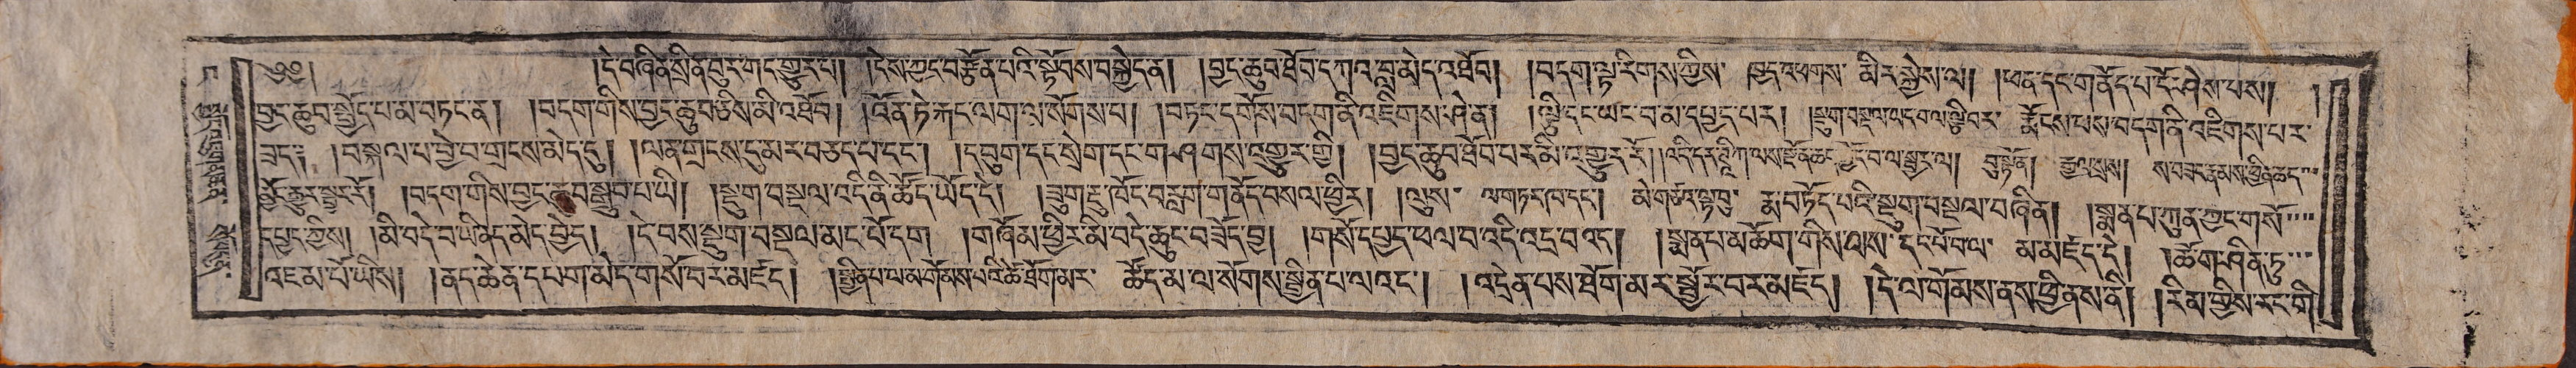༄༅། །དེ་བཞིན་སྲིན་བུར་གང་གྱུར་བ། །དེས་ཀྱང་བརྩོན་པའི་སྟོབས་བསྐྱེད་ན། །བྱང་ཆུབ་ཐོབ་དཀའ་བླ་མེད་འཐོབ། །བདག་ལྟ་རིགས་ཀྱིས་ཁྱད་འཕགས་མིར་སྐྱེས་ལ། །ཕན་དང་གནོད་པ་ངོ་ཤེས་པས། །
བྱང་ཆུབ་སྤྱོད་པ་མ་བཏང་ན། །བདག་གིས་བྱང་ཆུབ་ཅིས་མི་འཐོབ། །འོན་ཏེ་རྐང་ལག་ལ་སོགས་པ། །བཏང་དགོས་བདག་ནི་འཇིགས་ཤེ་ན། །ལྕི་དང་ཡང་བ་མེད་བྱད་པར། །སྡུག་བསྔལ་ཡང་བ་ལ་ལྕི་བར་རྨོངས་པས་བདག་ནི་འཇིགས་པར་
ཟད༑ ༑བསྐལ་བ་བྱེ་བ་གྲངས་མེད་དུ་། །ལན་གྲངས་དུ་མར་བཅད་པ་དང་། །དབུག་དང་སྲེག་དང་གཤགས་འགྱུར་གྱི། །བྱང་ཆུབ་ཐོབ་པར་མི་འགྱུར་རོ། །འདི་དར་ཏའི་ཀ་ལས་སྔོན་ཆད་མྱོང་བ་ལ་སྦྱར་ལ། བུ་སྟོན། རྒྱལ་སྲས། ས་བཟང་རྣམས་ཕྱིན་ཆད་
མྱོང་རྒྱུར་སྦྱར་རོ། །བདག་གིས་བྱང་ཆུབ་སྒྲུབ་པ་ཡི། །སྡུག་བསྔལ་འདི་ནི་ཚོད་ཡོད་དེ། །ཟུག་རྡུ་ཁོང་བརླག་གནོད་བསལ་ཕྱིར། །ལུས་ལ་གཏར་ཁ་དང་། མེ་གཙའ་ལྟ་བུ་རྨ་བཏོད་པའི་སྡུག་བསྔལ་བཞིན། །སྨན་པ་ཀུན་ཀྱང་གསོ་
དཔྱད་ཀྱིས། །མི་བདེ་བ་ཡི་ནད་མེད་བྱེད། །དེ་བས་སྡུག་བསྔལ་མང་པོ་དག །གཞོམ་ཕྱིར་མི་བདེ་ཆུང་བཟོད་བྱ། །གསོ་དཔྱད་ཕལ་བ་འདི་འདྲ་བའང་། །སྨན་པ་མཆོག་གིས་ལས་དང་ཕོ་བ་ལ་མ་མཛད་དེ། །ཆོ་ག་ཤིན་ཏུ་
འཇམ་པོ་ཡིས། །ནད་ཆེན་དཔག་མེད་གསོ་བར་མཛད། །སྦྱིན་པ་ལ་མ་གོམས་པའི་ཚེ་ཐོག་མར་ཚོད་མ་ལ་སོགས་སྦྱིན་པ་ལའང་། །འདྲེན་པས་ཐོག་མར་སྦྱོར་བར་མཛད། །དེ་ལ་གོམས་ནས་ཕྱི་ནས་ནི། །རིམ་གྱིས་རང་གི་